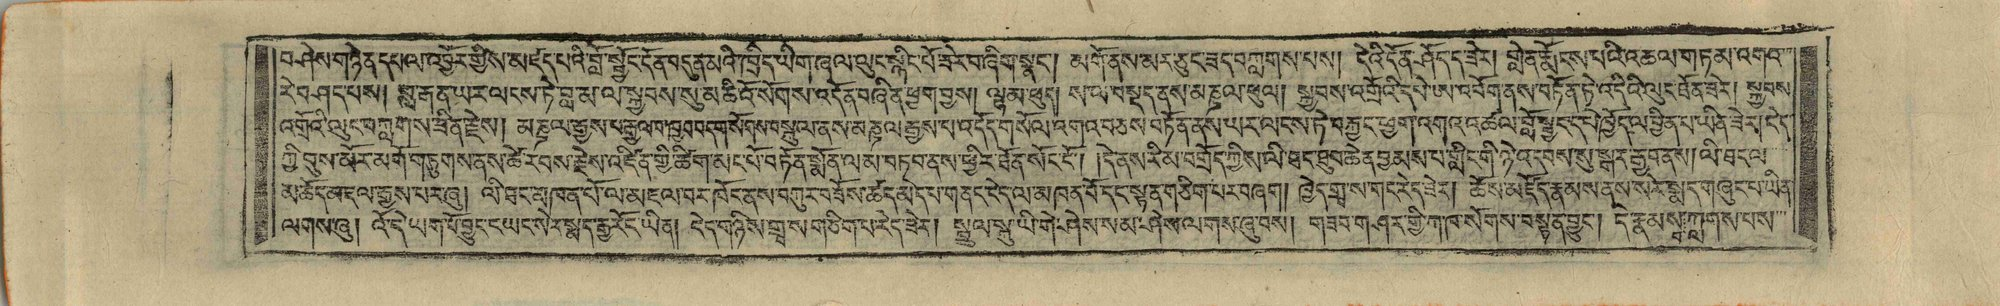བཤེས་གཉེན་དཔལ་འབྱོར་གྱིས་མཛད་པའི་བློ་སྦྱོང་དོན་བདུན་མའི་ཁྲིད་ཡིག་ཞལ་ལུང་སྙིང་པོ་ཟེར་བ་ཞིག་སྣང་། མགོ་ནས་མར་ཅུང་ཟད་བཀླགས་པས། དེའི་དོན་ཤོད་ད་ཟེར། གླེན་རྨོངས་པའི་འཆལ་གཏམ་འགའ་
རེ་བཤད་པས། བླ་རྒན་ཡར་ལངས་ཏེ་བླ་མ་ལ་སྐྱབས་སུ་མཆིའོ་སོགས་འདོན་བཞིན་ཕྱག་བྱས། ལྷམ་ཕུད། ས་ལ་བསྡད་ནས་མཎྜལ་ཕུལ། སྐྱབས་འགྲོའི་དཔེ་ཨ་འབོག་ནས་བཏོན་ཏེ་འདིའི་ལུང་ཐོན་ཟེར། སྐྱབས་
འགྲོའི་ལུང་བཀླགས་ཟིན་རྗེས། མཎྜལ་རྒྱས་པ་རྒྱལ་བ་ཁྱབ་བདག་སོགས་བསྐུལ་ནས་མཎྜལ་རྒྱས་པ་འདོད་གསོལ་འགའ་བཅས་བཏོན་ནས་ཡར་ལངས་ཏེ་བརྐྱང་ཕྱག་འགའ་འཚལ་བློ་སྦྱང་དཔེ་ཁྱོད་ལ་བྱིན་པ་ཡིན་ཟེར། ངེད་
ཀྱི་བུས་མོར་མགོ་གཏུགས་ནས་ཚེ་རབས་རྗེས་འཛིན་གྱི་ཚིག་མང་པོ་བཏོན་སྨོན་ལམ་བཏབ་ནས་ཕྱིར་ཐོན་སོང་ངོ། །དེ་ནས་རིམ་བགྲོད་ཀྱིས་ལི་ཐང་ཐུབ་ཆེན་བྱམས་པ་གླིང་གི་ཉེ་འདབས་སུ་སྒར་རྒྱབ་ནས། ལི་ཐང་ལ་
མཆོད་མཇལ་རྒྱས་པར་ཞུ། ལི་ཐང་མཁན་པོ་ལ་མཇལ་བར་ཁོང་ནས་བཀུར་བཟོས་ཚད་མེད་པ་གནང་ངེད་ལ་མཁན་པོ་དང་སྟན་གཅིག་པར་བཞག །ཁྱེད་གྲྭ་ས་གང་རེད་ཟེར། ཆོས་མཛོད་རྣམས་ནས་སེར་སྨད་གཞུང་པ་ཡིན་
ལགས་ཞུ། འོ་དེ་ཡག་པོ་བྱུང་ང་ཡང་སེར་སྨད་རྒྱ་རོང་ཡིན། ངེད་གཉིས་གྲྭ་ས་གཅིག་པ་རེད་ཟེར། སྤྲུལ་སྐུ་ཡི་གེ་ཤེས་སམ་ཤེས་ལགས་ཞུ་བས། གཟབ་གཤར་གྱི་ཀ་ཁ་སོགས་བསྟན་བྱུང་། དེ་རྣམས་པ་ཀླགས་པས་